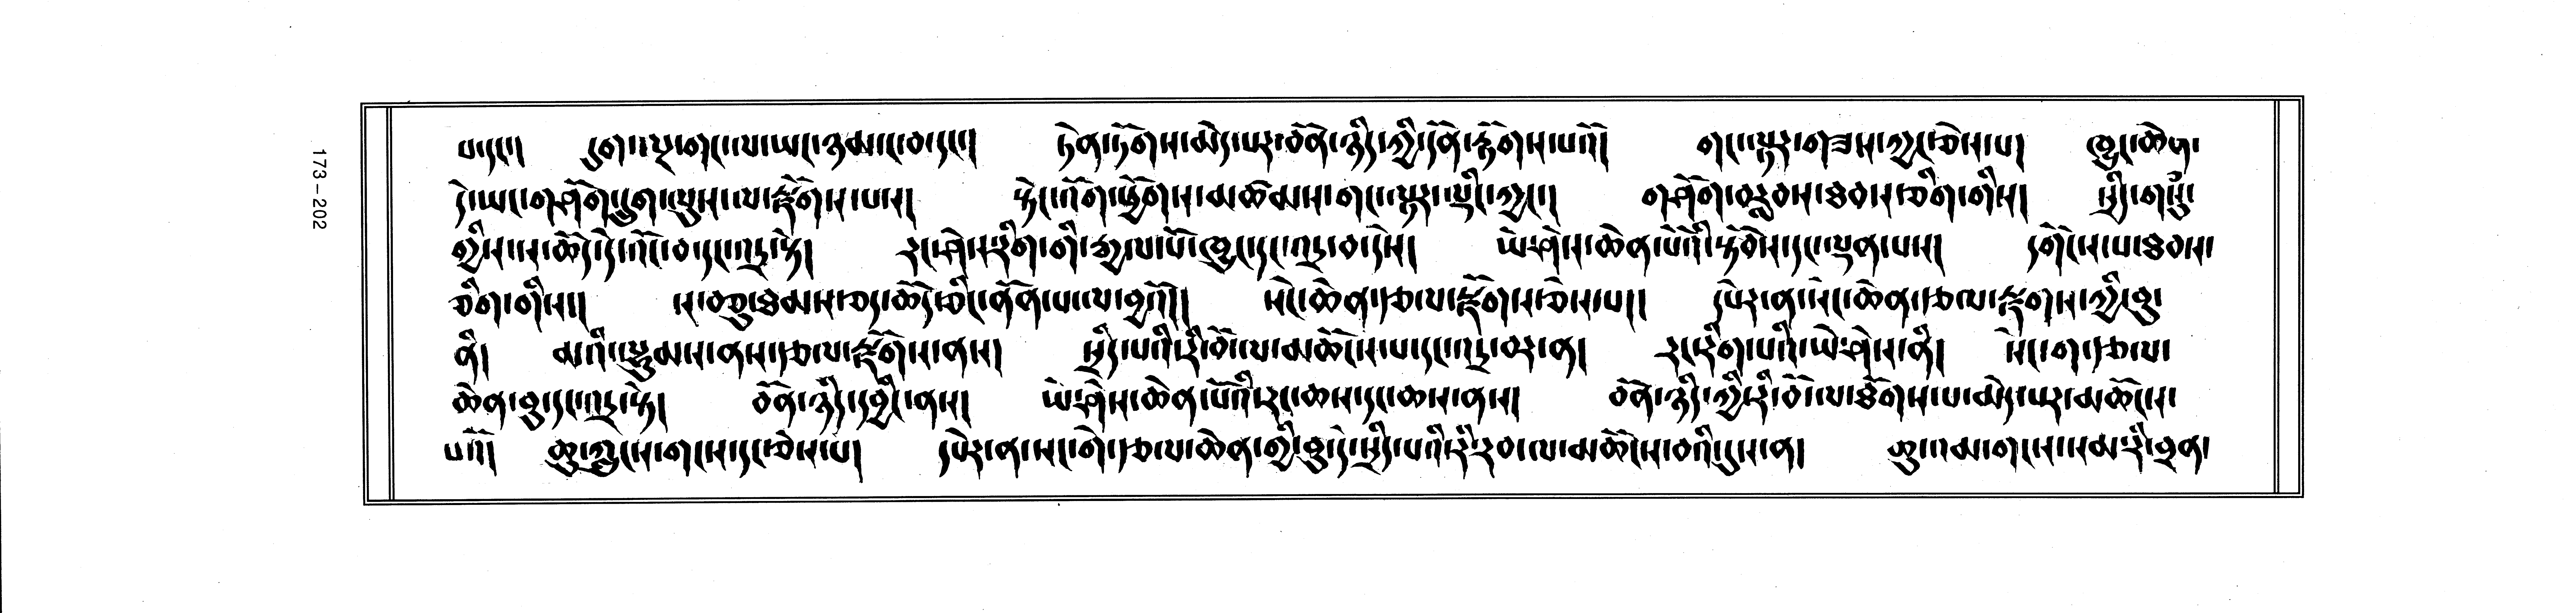པ་དང་དུག་ལྔ་གང་ལ་ཡང་ཉམ་ང་བ་དང་། ཏེན་ཏོག་མེད་པར་བོན་ཉིད་ཀྱི་དོན་རྟོགས་པའོ། །གང་ལྟར་གཟས་ཀྱང་ཅེས་པ། ཁྱུང་ཆེན་
དེ་ཡང་གཤོག་དྲུག་ལུས་ལ་རྫོགས་པས། སྟེང་འོག་ཕྱོགས་མཚམས་གང་ལྟར་ལྡིང་ཀྱང་། གཤོག་རླབས་ཐབས་གཅིག་གིས། སྲིད་གསུམ་
གྱིས་ས་ཆོད་ནས་འོང་བ་དང་འདྲ་སྟེ། རང་ཤེས་རིག་རྒྱལ་པོ་ཁྱུང་དང་འདྲ་བ་དེས། ཡེ་ཤེས་ཆེན་པོའི་སྟོབས་དང་ལྡན་པས། དགོངས་པ་ཐབས་
ཅིག་གིས། ས་བཅུ་ཐམས་ཅད་ཆོད་ཅིང་ནོན་པ་ལ་བྱའོ། །སེང་ཆེན་རྩལ་རྫོགས་ཅེས་པ། དཔེར་ན། སེང་ཆེན་རྩལ་རྫོགས་ཀྱི་བུ་
ནི། མ་ཡི་ལྷུམས་ནས་རྩལ་རྫོགས་ནས། སྲིད་པའི་རི་བོ་ལ་མཆོངས་པ་དང་འདྲ་བར་ན། རང་རིག་པའི་ཡེ་ཤེས་ནི། སེང་གེ་རྩལ་
ཆེན་གྱི་བུ་དང་འདྲ་སྟེ། བོན་ཉིད་དབྱིངས་ནས། ཡེ་ཤེས་ཆེན་པོའི་རང་ཆས་དང་ཆས་ནས། བོན་ཉིད་ཀྱི་རི་བོ་ལ་ཐོགས་པ་མེད་པར་མཆོངས་
པའོ། །ཆུ་ཀླུངས་གངས་དང་ཅེས་པ། དཔེར་ན་སེང་གེ་རྩལ་ཆེན་གྱི་བུ་དང་དེ་སྲིད་པའི་རི་རབ་ལ་མཆོངས་པའི་དུས་ན། ཆུའམ་གངས་སམ་རི་བྲན་